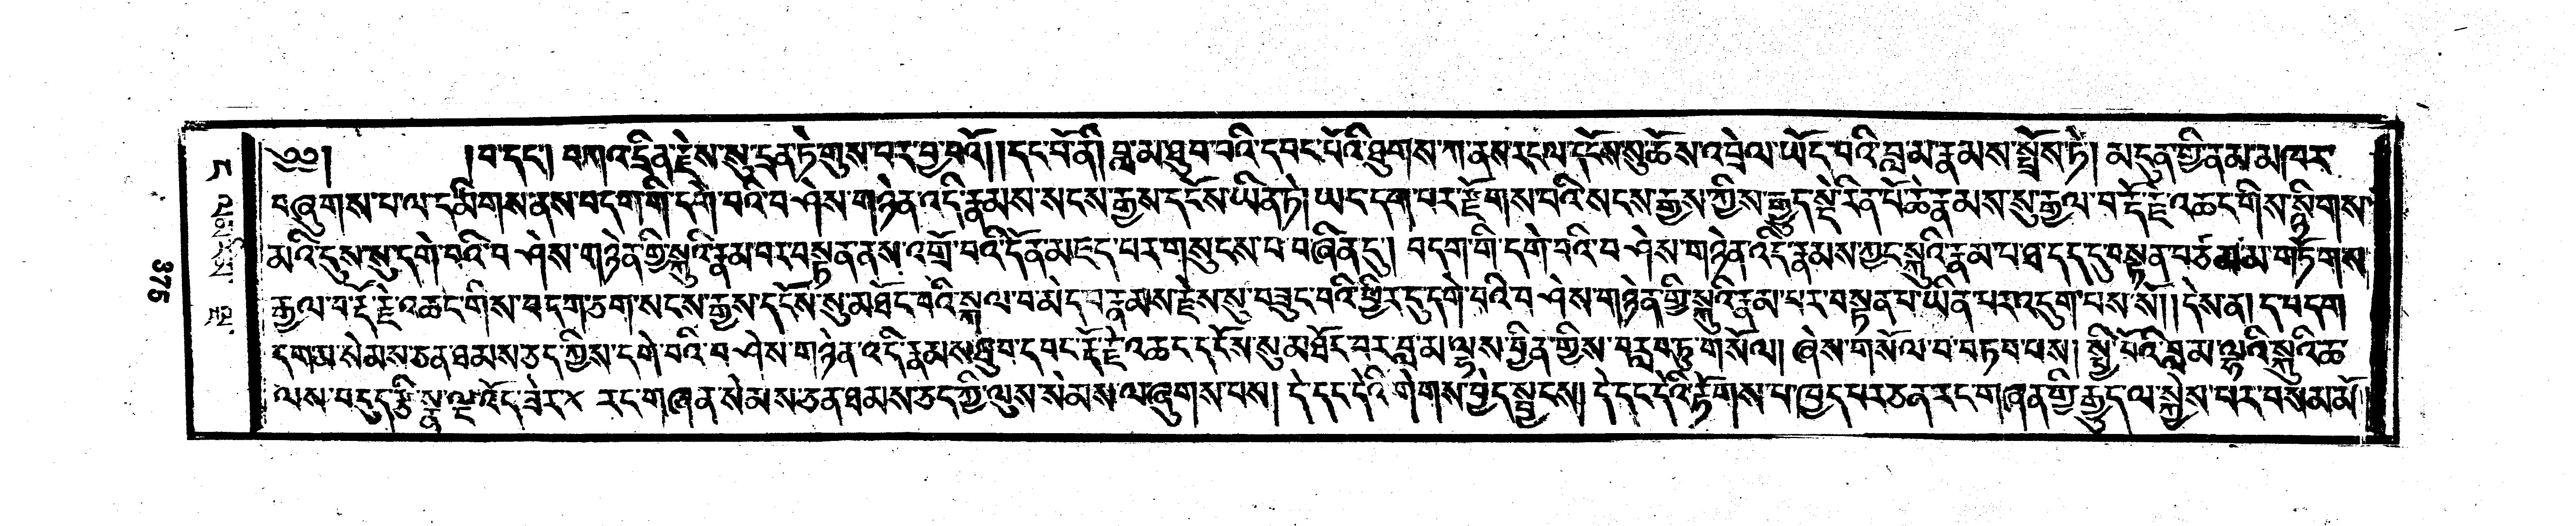༄༅། །བ་དང་། བཀའ་དྲིན་རྗེས་སུ་དྲན་ཏེ་གུས་པར་བྱ་བྱའོ། །དང་པོ་ནི། བླ་མ་ཐུབ་པའི་དབང་པོའི་ཐུགས་ཀ་ནས་རང་ལ་དངོས་སུ་ཆོས་འབྲེལ་ཡོད་པའི་བླ་མ་རྣམས་སྤྲོས་ཏེ། མདུན་གྱི་ནམ་མཁར་
བཞུགས་པ་ལ་དམིགས་ནས་བདག་གི་དགེ་བའི་བཤེས་གཉེན་འདི་རྣམས་སངས་རྒྱས་དངོས་ཡིན་ཏེ། ཡང་དག་པར་རྫོགས་པའི་སངས་རྒྱས་ཀྱིས་རྒྱུད་སྡེ་རིན་པོ་ཆེ་རྣམས་སུ་རྒྱལ་བ་རྡོ་རྗེ་འཆང་གིས་སྙིགས་
མའི་དུས་སུ་དགེ་བའི་བཤེས་གཉེན་གྱི་སྐུའི་རྣམ་པར་བསྟན་ནས་འགྲོ་བའི་དོན་མཛད་པར་གསུངས་པ་བཞིན་དུ། བདག་གི་དགེ་བའི་བཤེས་གཉེན་འདི་རྣམས་ཀྱང་སྐུའི་རྣམ་པ་ཐ་དད་དུ་བསྟན་པ་ཙམ་མ་གཏོགས།
རྒྱལ་བ་རྡོ་རྗེ་འཆང་གིས་བདག་ཅག་སངས་རྒྱས་དངོས་སུ་མཐོང་བའི་སྐལ་བ་མེད་པ་རྣམས་རྗེས་སུ་བཟུང་བའི་ཕྱིར་དུ་དགེ་བའི་བཤེས་གཉེན་གྱི་སྐུའི་རྣམ་པར་བསྟན་པ་ཡིན་པར་འདུག་པས་སོ། །དེས་ན། ད་བདག་
དང་མ་སེམས་ཅན་ཐམས་ཅད་ཀྱིས་དགེ་བའི་བཤེས་གཉེན་འདི་རྣམས་ཐུབ་དབང་རྡོ་རྗེ་འཆང་དངོས་སུ་མཐོང་བར་བླ་མ་ལྷས་བྱིན་གྱིས་བརླབ་ཏུ་གསོལ། ཞེས་གསོལ་བ་བཏབ་པས། སྤྱི་བོའི་བླ་མ་ལྷའི་སྐུའི་ཆ་
ལས་བདུད་རྩི་སྣ་ལྔ་འོད་ཟེར་྾་རང་གཞན་སེམས་ཅན་ཐམས་ཅད་ཀྱི་ལུས་སེམས་ལ་ཞུགས་པས། དེ་དང་དེའི་གེགས་བྱེད་སྦྱངས། དེ་དང་དེའི་རྟོགས་པ་ཁྱད་པར་ཅན་རང་གཞན་གྱི་རྒྱུད་ལ་སྐྱེས་པར་བསམ་མོ།།